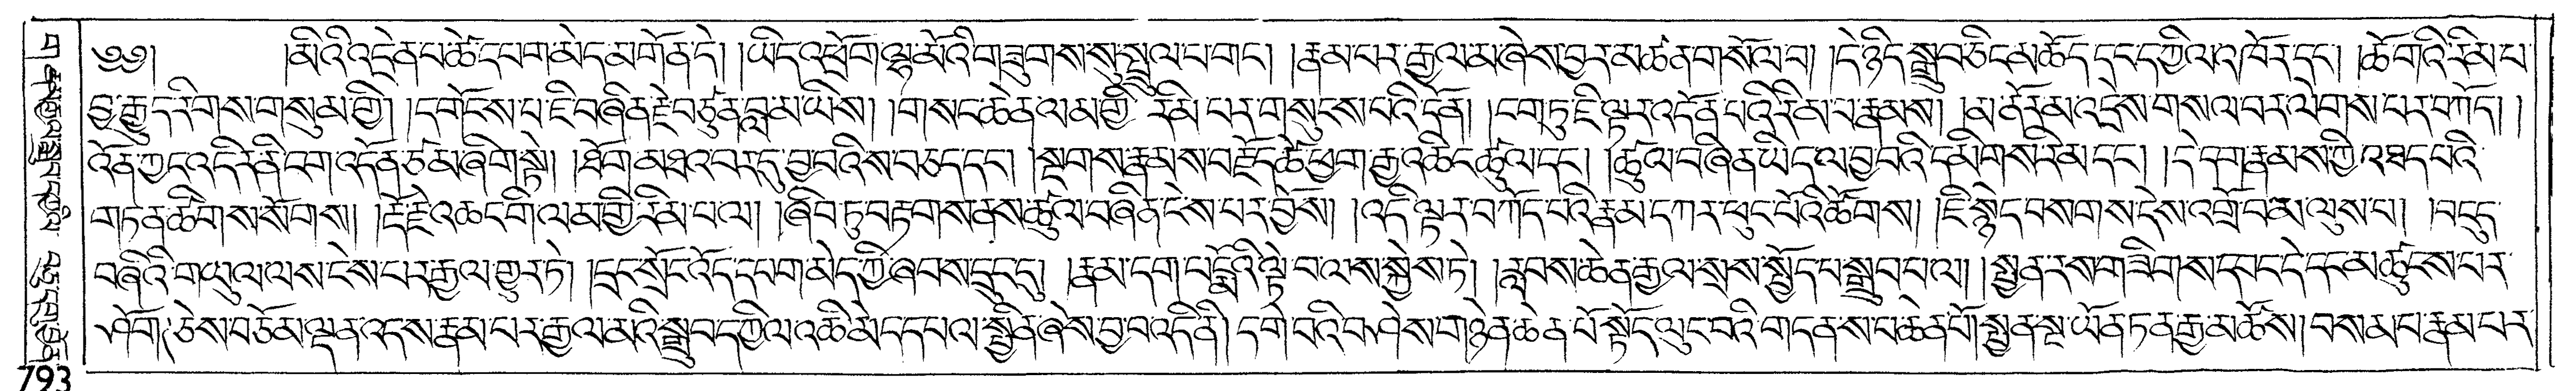༄༅། །མིའི་འདྲེན་པ་ཚེ་དཔག་མེད་མགོན་དེ། །ཡིད་འཕྲོག་ལྷ་མོའི་གཟུགས་སུ་སྤྲུལ་པ་གང་། །རྣམ་པར་རྒྱལ་མ་ཞེས་བྱར་མཚན་གསོལ་བ། །དེ་ཉིད་སྒྲུབ་ཅིང་མཆོད་དང་དཀྱིལ་འཁོར་དང་། །ཆོ་གའི་རིམ་པ་
བྱ་རྒྱུད་རིགས་གསུམ་གྱི། །དགོངས་པ་ཇི་བཞིན་རྗེ་བཙུན་བླ་མ་ཡིས། །གསང་ཆེན་ལམ་གྱི་རིམ་པར་གསུངས་པའི་དོན། །ངག་ཏུ་ཇི་ལྟར་འདོན་པའི་རིམ་པ་རྣམས། །མ་ནོར་མ་འདྲེས་གསལ་བར་ལེགས་པར་བཀོད། །
འོན་ཀྱང་འདིར་ནི་ངག་འདོན་ཙམ་ཞིག་སྟེ། །ཐོག་མཐའ་བར་དུ་བྱ་བའི་ས་བཅད་དང་། །སྔགས་རྣམས་བརྗོད་ཚེ་ཕྱག་རྒྱ་འཆིང་ཚུལ་དང་། །ཚུལ་བཞིན་ཡིད་ལ་བྱ་བའི་དམིགས་རིམ་དང་། །དེ་དག་རྣམས་ཀྱི་འཐད་པའི་
གཏན་ཚིགས་སོགས། །རྡོ་རྗེ་འཆང་གི་ལམ་གྱི་རིམ་པ་ལ། །ཞིབ་ཏུ་བརྟགས་ནས་ཚུལ་བཞིན་ངེས་པར་བྱོས། །འདི་ལྟར་བཀོད་པའི་རྣམ་དཀར་ཕུང་པོའི་ཚོགས། །ཇི་སྙེད་བསགས་དེས་འགྲོ་བ་མ་ལུས་པ། །བདུད་
བཞིའི་གཡུལ་ལས་ངེས་པར་རྒྱལ་གྱུར་ཏེ། །དྲང་སྲོང་འོད་དཔག་མེད་ཀྱི་ཞབས་དྲུང་དུ། །རྣམ་དག་པདམོའི་ལྟེ་བ་ལས་སྐྱེས་ཏེ། །རླབས་ཆེན་རྒྱལ་སྲས་སྤྱོད་པ་སྒྲུབ་པ་ལ། །སྤྱན་རས་གཟིགས་དབང་དེ་དང་མཚུངས་པར་
ཤོག ༑ཅེས་བཅོམ་ལྡན་འདས་རྣམ་པར་རྒྱལ་མའི་སྒྲུབ་དཀྱིལ་འཆི་མེད་དཔལ་སྤྱིན་ཞེས་བྱ་བ་འདི་ནི། དགེ་བའི་བཤེས་གཉེན་ཆེན་པོ་སྟོང་ལུང་བའི་གདན་ས་པ་ཆེན་པོ། སྤྱན་སྔ་ཡོན་ཏན་རྒྱ་མཚོས། བསམ་པ་རྣམ་པར་